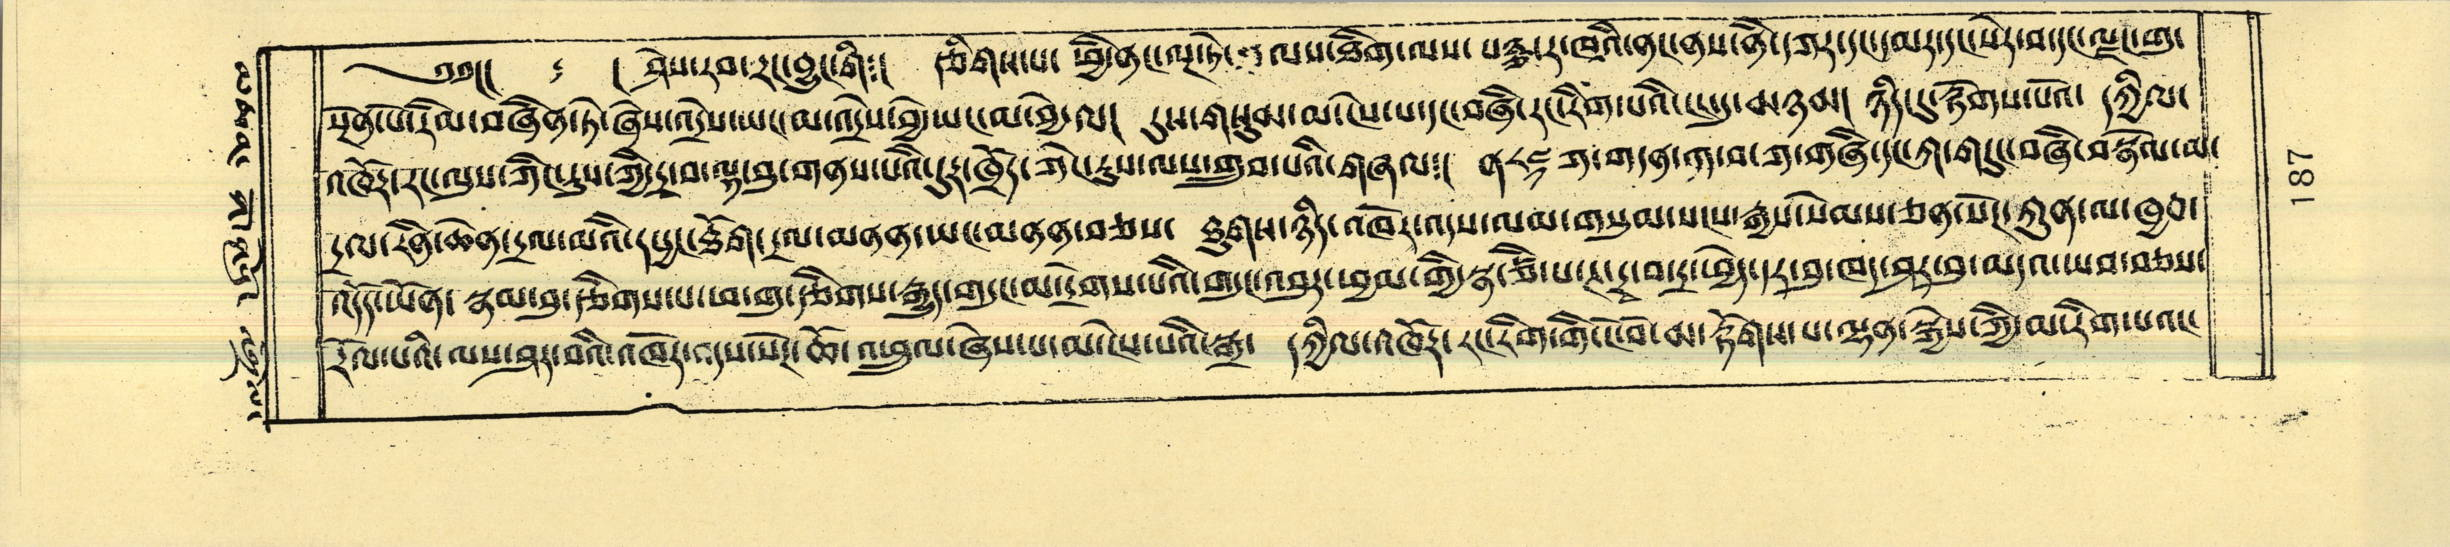ཤེས་རབ་རང་བྱུང་གི་སྒྲོན་མ་ ༼རྩིགས་པ༽ཕྱི་ནང་ལྔ་སྟེ་ལས་ཐིག་ལས་པཉྩ་ར་ཁའི་ནང་ནས་ནི་དཀར་དང་དམར་དང་སེར་བ་དང་ལྗང་གུ་
སྔོན་པོ་རིམ་བཞིན་ཏེ་ཞེས་འདྲེས་ཡང་མ་འདྲེས་བྱེ་ཡང་མ་བྱེ་ལ། ༼དུས་གསུམ༽མ་ངེས་པ་དང་བཞི་རང་རིག་པའི་ངང་དུ་༼མཉམ་ཉིད་༽དུ་རྟོགས་པའོ། དཀྱིལ་
འཁོར་རང་ལུས་ཀེང་རུས་ཀྱི་དྲྭ་བ་ལྟ་བུར་གནས་པའི་༼དུར་ཁྲོད༽ཀེང་རུས་ལས་གྲུབ་པའི་༼གཞལ༽ན༨༤།༡ཀ་གདན་ཀ་བ་ཀ་བཞི་དང་གདུང་ཀ་གདུང་བཞི་བསྣོལ་མ་
དྲལ་རིན་ཆེན་དྲལ་མའི་༼དཔྱང་ཐོག༽དྲལ་མནན་ཡང་མནན་བཅས་༼ཐུགས་ཉིད༽འཁོར་འདས་ལམ་གསུམ་སངས་རྒྱས་སེམས་ཅན་སོགས་༼ཀུན་ལ་ཁྱབ་
འདོད་ཡོན༽སྣམ་བུ་རྩིགས་པ་ཕ་གུ་རྩིགས་རྒྱུད་གདུང་མ་དྲེགས་པའི་གདུང་འབུར་ཕྱམ་གྱི་སྣ་ཙི་པ་ཊ་དྲྭ་བ་དྲྭ་ཕྱེད་དར་བུ་ཁད་ཤར་བུ་མདའ་ཡབ་བཅས་
རོལ་པའི་རྩལ་ལས་ཤར་བའི་འཁོར་འདས་སོགས་༼ཆོ་༽འཕྲུལ་ཞེས་པ་མ་ངེས་པའི་སྒྲ་༼དཀྱིལ་འཁོར༽རང་རིག་གི་ངོ་བོ་༼མ་རྟོགས་པ༽ལྷན་སྐྱེས་ཀྱི་མ་རིག་པའང་